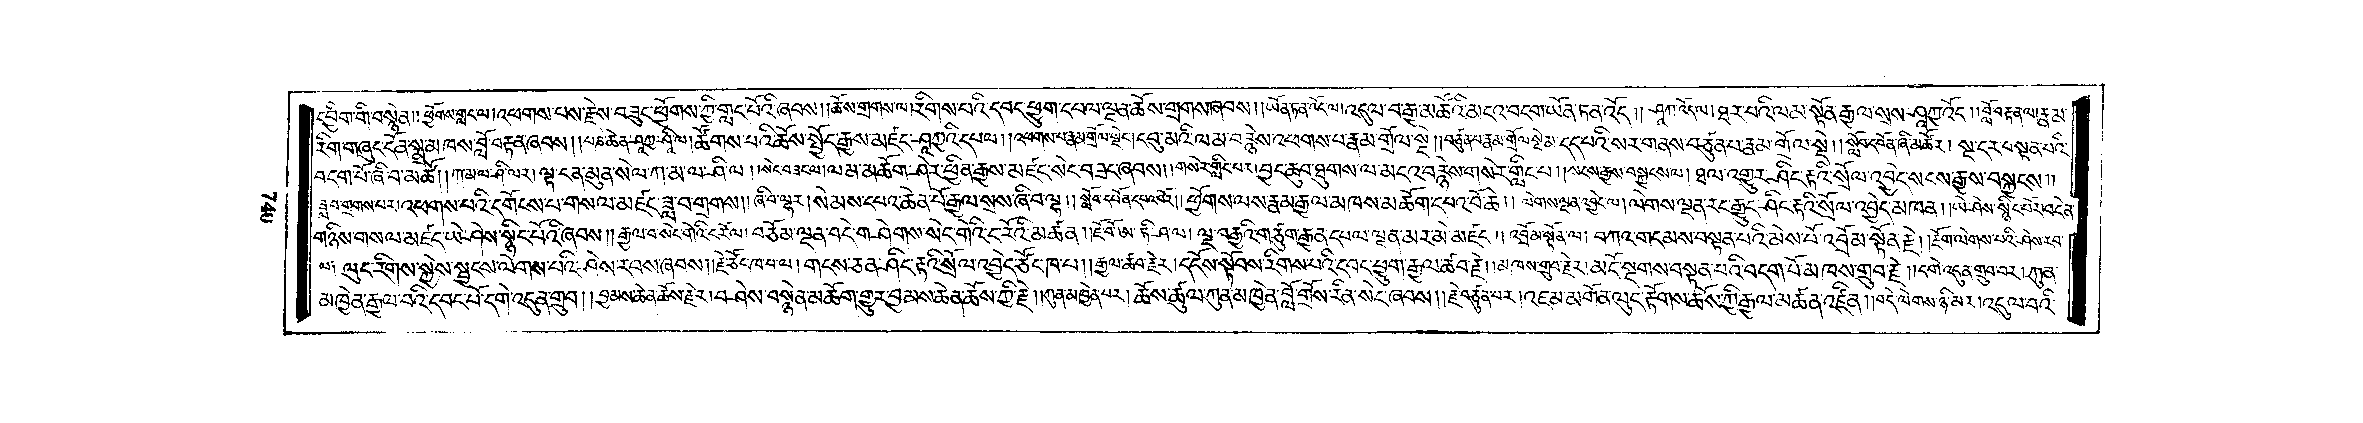དབྱིག་གི་བསྙེན། །ཕྱོགས་གླང་ལ། འཕགས་པས་རྗེས་བཟུང་ཕྱོགས་ཀྱི་གླང་པོའི་ཞབས། །ཆོས་གྲགས་ལ། རིགས་པའི་དབང་ཕྱུག་དཔལ་ལྡན་ཆོས་གྲགས་ཞབས། །ཡོན་ཏན་འོད་ལ། འདུལ་བ་རྒྱ་མཚོའི་མངའ་བདག་ཡོན་ཏན་འོད། །ཤཱཀ་འོད་ལ། ཐར་པའི་ལམ་སྟོན་རྒྱལ་སྲས་ཤཱཀྱ་འོད། །བློ་བརྟན་ལ། རྣམ་
རིག་གཞུང་དོན་སྨྲ་མཁས་བློ་བརྟན་ཞབས། །པཎ་ཆེན་ཤཱཀྱ་ཤཱི་ལ། ཚོགས་པའི་ཆོས་སྤྱོད་རྒྱས་མཛད་ཤཱཀྱའི་དཔལ། །འཕགས་པ་རྣམ་གྲོལ་སྡེང་། དབུ་མའི་ལམ་བརྙེས་འཕགས་པ་རྣམ་གྲོལ་སྡེ། །བཙུན་པ་རྣམ་གྲོལ་སྡེམ་དད་པའི་སར་གནས་བཙུན་པ་རྣམ་གྲོལ་སྡེ། །སློབ་དཔོན་ཞི་མཚོར། །སྡ་དར་བསྟན་པའི་
བདག་པོ་ཞི་བ་མཚོ། །ཀ་མ་ལ་ཤི་ལར། ལྟ་ངན་མུན་སེལ་ཀ་མ་ལ་ཤི་ལ། །སེང་བཟང་ལ། ལམ་མཆོག་ཤེར་ཕྱིན་རྒྱས་མཛད་སེང་བཟང་ཞབས། །གསེར་གླིང་པར། བྱང་ཆུབ་ཐུགས་ལ་མངའ་བརྙེས་གསེར་གླིང་པ། །སངས་རྒྱས་བསྐྱངས་ལ། ཐལ་འགྱུར་ཤིང་རྟའི་སྲོལ་འབྱེད་སངས་རྒྱས་བསྐྱངས།།
ཟླ་བ་གྲགས་པར། འཕགས་པའི་དགོངས་པ་གསལ་མཛད་ཟླ་བ་གྲགས། །ཞི་བ་ལྷར། སེམས་དཔའ་ཆེན་པོ་རྒྱལ་སྲས་ཞི་བ་ལྷ། །སློབ་དཔོན་དཔའ་བོར། །ཕྱོགས་ལས་རྣམ་རྒྱལ་མཁས་མཆོག་དཔའ་བོ་ཆེ། །ལེགས་ལྡན་འབྱེད་ལ། ལེགས་ལྡན་རང་རྒྱུད་ཤིང་རྟའི་སྲོལ་འབྱེད་མཁན། །ཡེ་ཤེས་སྙིང་པོར། བདེན་
གཉིས་གསལ་མཛད་ཡེ་ཤེས་སྙིང་པོའི་ཞབས། །རྒྱལ་བ་སེང་གེའི་ང་རོ་ལ། བཅོམ་ལྡན་བདེ་གཤེགས་སེང་གེའི་ང་རོའི་མཚན། །ཇོ་བོ་ཨ་ཏི་ཤ་ལ། ལྔ་བརྒྱའི་གཙུག་རྒྱན་དཔལ་ལྡན་མར་མེ་མཛད། །འབྲོམ་སྟོན་ལ། བཀའ་གདམས་བསྟན་པའི་མེས་པོ་འབྲོམ་སྟོན་རྗེ། །རྡོག་ལེགས་པའི་ཤེས་རབ་
ལ། ལུང་རིགས་སྐྱེས་སྦྱངས་ལེགས་པའི་ཤེས་རབས་ཞབས། །རྗེ་ཙོང་ཁ་པ་ལ། གངས་ཅན་ཤིང་རྟའི་སྲོལ་འབྱེད་ཙོང་ཁ་པ། །རྒྱལ་ཚབ་རྗེར། དངོས་སྟོབས་རིགས་པའི་དབང་ཕྱུག་རྒྱལ་ཚབ་རྗེ། །མཁས་གྲུབ་རྗེར། མདོ་སྔགས་བསྟན་པའི་བདག་པོ་མཁས་གྲུབ་རྗེ། །དགེ་འདུན་གྲུབ་པར། ཀུན་
མཁྱེན་རྒྱལ་བའི་དབང་པོ་དགེ་འདུན་གྲུབ། །བྱམས་ཆེན་ཆོས་རྗེར། བཤེས་བསྙེན་མཆོག་གྱུར་བྱམས་ཆེན་ཆོས་ཀྱི་རྗེ། །ཀུན་མཁྱེན་པར། ཆོས་ཚུལ་ཀུན་མཁྱེན་བློ་གྲོས་རིན་སེང་ཞབས། །རྗེ་བཙུན་པར། །འཇམ་མགོན་ལུང་རྟོགས་ཆོས་ཀྱི་རྒྱལ་མཚན་འཛིན། །བདེ་ལེགས་ཉི་མར། འདུལ་བའི་